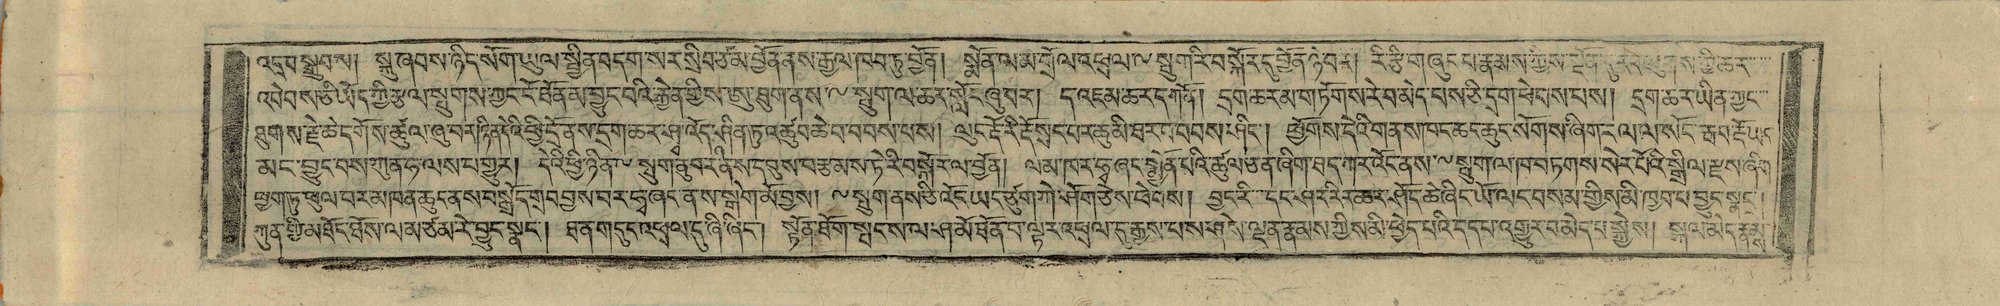འདྲ་བསྒྲུབས། སྐུ་ཞབས་ཉིད་སོག་ཡུལ་སྦྱིན་བདག་སར་སྲིབ་ཙམ་བྱོན་ནས་རྒྱལ་ཁབ་ཏུ་བྱོན། སྨོན་ལམ་གྲོལ་འཕྲལ་༧སྤུག་རི་བསྐོར་དུ་བྱོན་ཉེ་བར། རི་རྩི་གཞུང་པ་རྣམས་ཀྱིས་སྔོན་དུ་རང་ལུགས་ཀྱི་ཆར་
འབེབས་ཅི་ཡོད་ཀྱི་རྩལ་སྤུགས་ཀྱང་ངོ་ཐོན་མ་བྱུང་བའི་རྐྱེན་གྱིས་ཨུ་ཐུག་ནས་༧སྤུག་ལ་ཆར་སློང་ཞུ་བར། ད་འཇམ་ཆར་དཀོན། དྲག་ཆར་མ་གཏོགས་རེ་བ་མེད་པས་ཅི་དྲག་ཕེབས་པས། དྲག་ཆར་ཡིན་ཀྱང་
ཐུགས་རྗེ་ཆེ་དགོས་ཚུལ་ཞུ་བར། ཉིན་དེའི་ཕྱི་དྲོ་ནས་དྲག་ཆར་ཤྭ་འོད་ཤིན་ཏུ་འཚུབ་ཆེ་བ་བབས་པས། ལུང་རྡོ་རི་རྡོ་སྲང་བར་ཆུ་མི་ཐར་བ་བབས་ཤིང་། ཕྱོགས་དེའི་གནས་ཁང་ཆང་ཆུང་སོགས་ཞིག་རལ་ལ་སོང་རྦབ་རྡོ་ཡང་
མང་བྱུང་བས་ཀུན་ཧ་ལས་པ་གྱུར། དེའི་ཕྱི་ཉིན་༧སྤུག་ནུབ་རི་ནས་དབུས་བརྩམས་ཏེ་རི་བསྐོར་ལ་བྱོན། ལམ་ཁར་ཧྭ་ཞང་སྨྱོན་པའི་ཚུལ་ཅན་ཞིག་ཐད་ཀར་འོང་ནས་༧སྤུག་ལ་ཁ་བཏགས་སེར་པོའི་སྒྲིལ་རྫས་ཞིག་
ཕྱག་ཏུ་ཕུལ་བར་མཁན་ཆུང་ནས་བསྒྲོད་གྲབ་བྱས་བར་ཧྭ་ཞང་ནས་སྒེག་མོ་བྱས། ༧སྤུག་ནས་ཅི་འོང་ཡང་ཙུག་ཀེ་ཤོག་ཅེས་ཕེབས། བྱང་རི་དང་ཤར་རིར་ཆར་ཤོད་ཆེ་ཞིང་ཡོ་ལང་བསམ་གྱིས་མི་ཁྱབ་པ་བྱུང་སྣང་།
ཀུན་གྱི་མཐོང་ཐོས་ལམ་ཙམ་རེ་བྱུང་སྣང་། ཐན་གདུང་འཕྲལ་དུ་ཞི་ཞིང་། སྟོན་ཐོག་སྤངས་ལ་ཤ་མོ་ཐོན་པ་ལྟར་འཕྲལ་དུ་རྒྱས་པས་ཤེས་ལྡན་རྣམས་ཀྱིས་མི་ཕྱེད་པའི་དད་པ་འགྱུར་བ་མེད་པ་སྐྱེས། སྐལ་མེད་རྣམས་